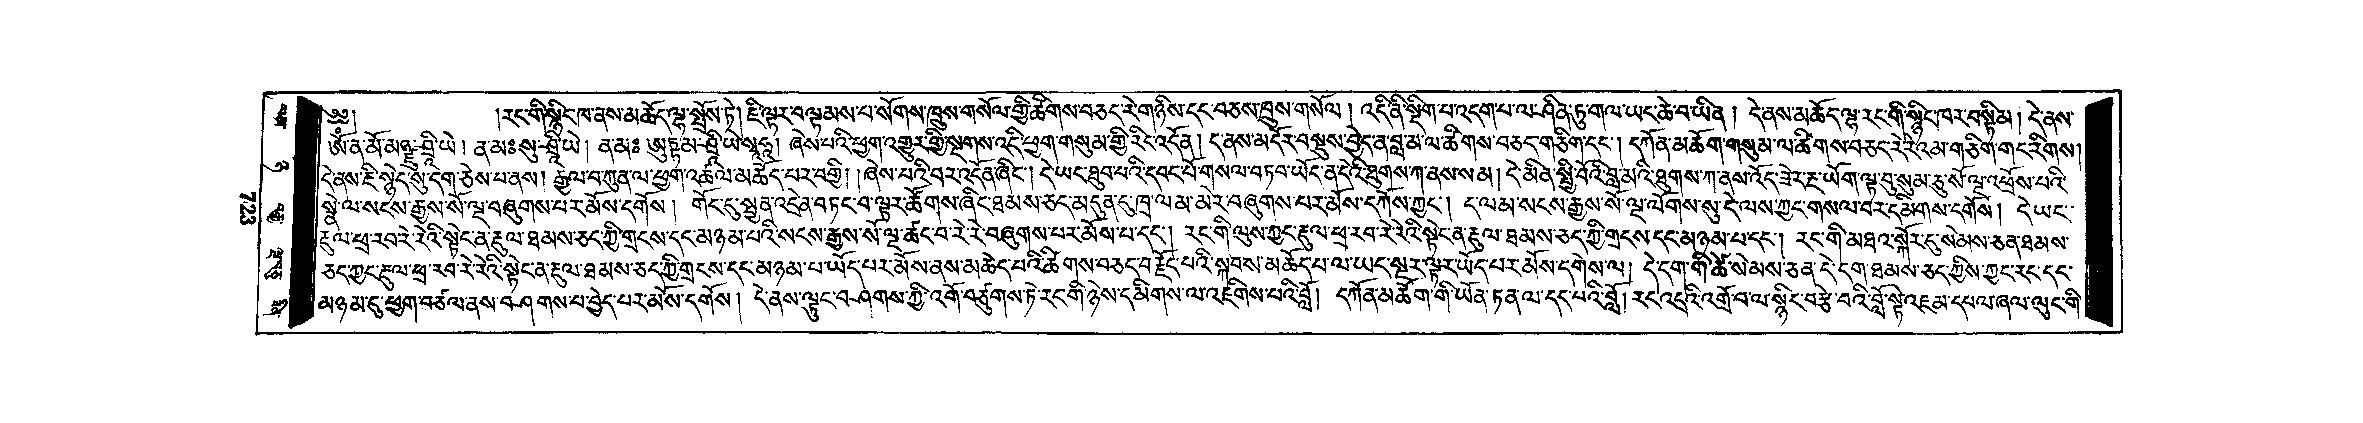༄༅། །རང་གི་སྙིང་ཁ་ནས་མཆོད་ལྷ་སྤྲོས་ཏེ། ཇི་ལྟར་བལྟམས་པ་སོགས་ཁྲུས་གསོལ་གྱི་ཚིགས་བཅད་རེ་གཉིས་དང་བཅས་ཁྲུས་གསོལ། འདི་ནི་སྡིག་པ་འདག་པ་ལ་ཤིན་ཏུ་གལ་ཡང་ཆེ་བ་ཡིན། དེ་ནས་མཆོད་ལྷ་རང་གི་སྙིང་ཁར་བསྟིམ། དེ་ནས་
ཨོཾ་ན་མོ་མཉྫུ་ཤྲཱི་ཡེ། ན་མཿ སུ་ཤྲཱི་ཡེ། ན་མཿ ཨུཏྟ་མ་ཤྲཱི་ཡེ་སྭཱཧཱ། ཞེས་པའི་ཕྱག་འགྱུར་གྱི་སྔགས་འདི་ཕྱག་གསུམ་གྱི་རིང་འདོན། ད་ནས་མདོར་བསྡུས་བྱེད་ན་བླ་མ་ལ་ཚིགས་བཅད་གཅིག་དང་། དཀོན་མཆོག་གསུམ་ལ་ཚིགས་བཅད་རེ་རེའམ་གཅིག་གང་རིགས།
དེ་ནས་ཇི་སྙེད་སུ་དག་ཅེས་པ་ནས། རྒྱལ་བ་ཀུན་ལ་ཕྱག་འཚལ་མཆོད་པར་བགྱི། །ཞེས་པའི་བར་འདོན་ཞིང་། དེ་ཡང་ཐུབ་པའི་དབང་པོ་གསལ་བཏབ་ཡོད་ན་དེའི་ཐུགས་ཀ་ནས་སམ། དེ་མིན་སྤྱི་བོའི་བླ་མའི་ཐུགས་ཀ་ནས་འོད་ཟེར་རྔ་ཡོག་ལྟ་བུ་སུམ་ཅུ་སོ་ལྔ་འཕྲོས་པའི་
སྣེ་ལ་སངས་རྒྱས་སོ་ལྔ་བཞུགས་པར་མོས་དགོས། གོང་དུ་སྤྱན་འདྲེན་བཏང་བ་ལྟར་ཚོགས་ཞིང་ཐམས་ཅད་མདུན་དུ་ཁྲ་ལམ་མེར་བཞུགས་པར་མོས་དཀོས་ཀྱང་། ད་ལམ་སངས་རྒྱས་སོ་ལྔ་ལོགས་སུ་དེ་ལས་ཀྱང་གསལ་བར་དམིགས་དགོས། དེ་ཡང་
རྡུལ་ཕྲ་རབ་རེ་རེའི་སྟེང་ན་རྡུལ་ཐམས་ཅད་ཀྱི་གྲངས་དང་མཉམ་པའི་སངས་རྒྱས་སོ་ལྔ་ཚང་བ་རེ་རེ་བཞུགས་པར་མོས་པ་དང་། རང་གི་ལུས་ཀྱང་རྡུལ་ཕྲ་རབ་རེ་རེའི་སྟེང་ན་རྡུལ་ཐམས་ཅད་ཀྱི་གྲངས་དང་མཉམ་པ་དང་། རང་གི་མཐའ་སྐོར་དུ་སེམས་ཅན་ཐམས་
ཅད་ཀྱང་རྡུལ་ཕྲ་རབ་རེ་རེའི་སྟེང་ན་རྡུལ་ཐམས་ཅད་ཀྱི་གྲངས་དང་མཉམ་པ་ཡོད་པར་མོས་ནས་མཆེད་པའི་ཚིགས་བཅད་བརྗོད་པའི་སྐབས་མཆོད་པ་ལ་ཡང་སྔར་ལྟར་ཡོད་པར་མོས་དགེས་ལ། དེ་དག་གི་ཚེ་སེམས་ཅན་དེ་དག་ཐམས་ཅད་ཀྱིས་ཀྱང་རང་དང་
མཉམ་དུ་ཕྱག་བཙལ་ནས་བཤགས་པར་བྱེད་པར་མོས་དགོས། དེ་ནས་ལྟུང་བཤགས་ཀྱི་འགོ་བཙུགས་ཏེ་རང་གི་ཉེས་དམིགས་ལ་འཇིགས་པའི་བློ། དཀོན་མཆོག་གི་ཡོན་ཏན་ལ་དད་པའི་བློ། རང་འདྲའི་འགྲོ་བ་ལ་སྙིང་བརྩེ་བའི་བློ་སྟེ་འཇམ་དཔལ་ཞལ་ལུང་གི་